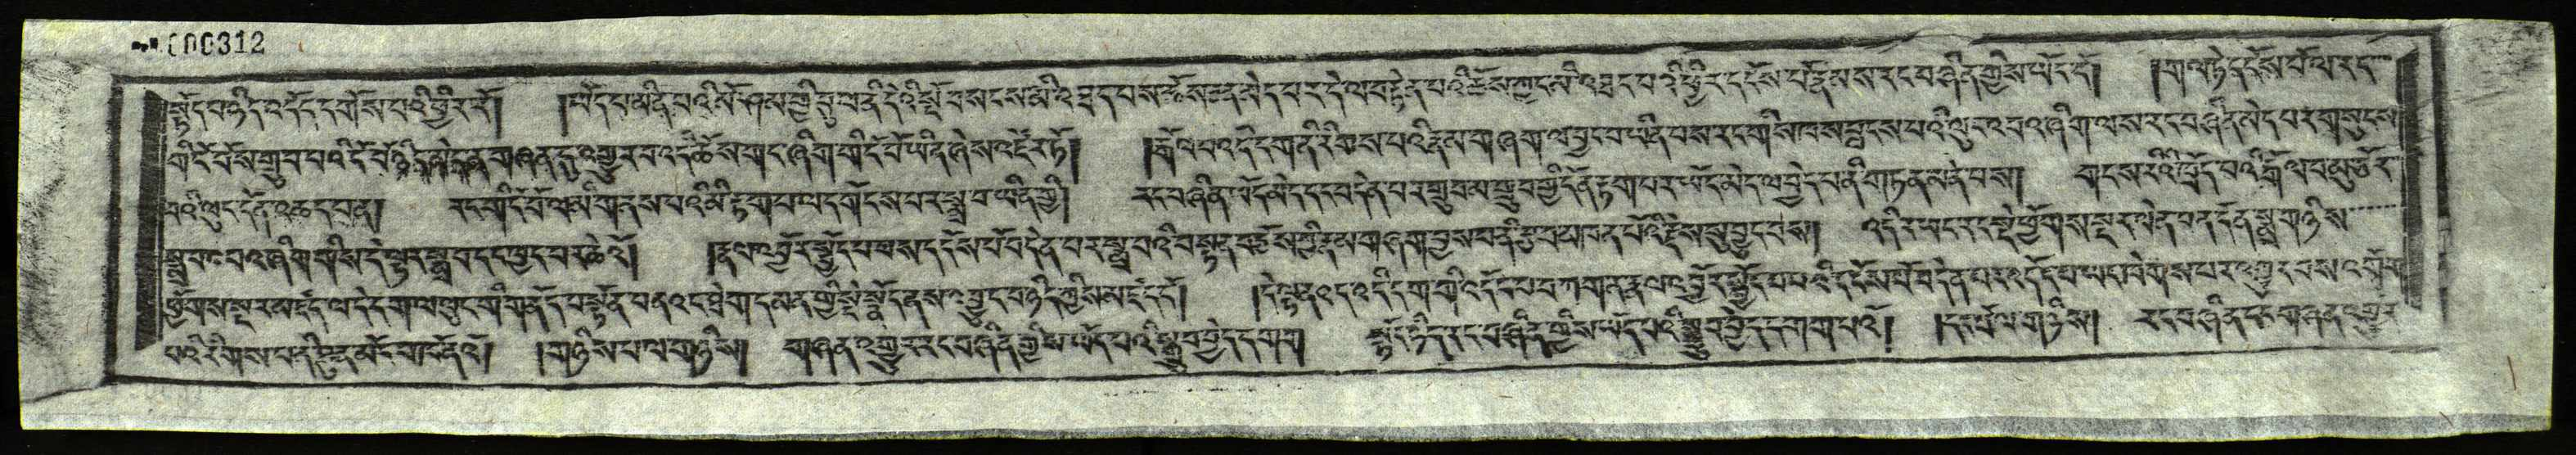སྟོང་པ་ཉིད་འདོད་དགོས་པའི་ཕྱིར་རོ། །ཡོད་པ་མིན་པའི་མོ་ཤམ་གྱི་བུ་ལ་ནི་དེའི་སྔོ་བསངས་མི་འཐད་པས་ཆོས་ཅན་མེད་པར་དེ་ལ་བརྟེན་པའི་ཆོས་ཀྱང་མི་འཐད་པའི་ཕྱིར་དངོས་པོ་རྣམས་རང་བཞིན་གྱིས་ཡོད་དོ། །གལ་ཏེ་དངོས་པོ་ལ་རང་
གི་ངོ་བོས་གྲུབ་པའི་ངོ་བོ་ཉིད་མེད་ན་གཞན་དུ་འགྱུར་བ་འདི་ཆོས་གང་ཞིག་གི་ངོ་བོ་ཡིན་ཞེས་འཛེར་ཏོ། །རྒོལ་བ་འདི་དག་ནི་རིགས་པའི་རྣམ་གཞག་ལ་བྱང་བ་ཡིན་པས་རང་གིས་ཁས་བླངས་པའི་ལུང་འབའ་ཞིག་ལས་རང་བཞིན་མེད་པར་གསུངས་
པའི་ལུང་དོན་འཆད་པ་ན། རང་གི་ངོ་བོ་ལ་མི་གནས་པའི་མི་རྟག་པ་ལ་དགོངས་པར་སྨྲ་བ་ཡིན་གྱི། རང་བཞིན་ཡོད་མེད་དང་བདེན་པར་གྲུབ་མ་གྲུབ་གྱི་དོན་རྟག་པར་ཡོད་མེད་ལ་བྱེད་པ་ནི་གཏན་མིན་པས། གངས་རིའི་ཁྲོད་པའི་རྒོལ་བ་མུ་ཅོར་
སྨྲ་བ་འབའ་ཞིག་གིས་དེ་ལྟར་སྨྲ་བ་དང་ཁྱད་པར་ཆེའོ། །རྣལ་འབྱོར་སྤྱོད་པ་ལས་དངོས་པོ་བདེན་པར་སྨྲ་བའི་བསྟན་བཅོས་ཀྱི་རྣམ་གཞག་བྱས་པ་ནི་རྩ་བ་མཁན་པོའི་རྗེས་སུ་བྱུང་བས། འདིར་ཡང་རང་སྡེ་ཕྱོགས་སྔར་ལེན་པ་ན་དོན་སྨྲ་གཉིས་
ཕྱོགས་སྔར་མཛད་ལ་དེ་དག་ལ་ལུང་གི་གནོད་པ་སྟོན་པ་ནའང་ཐེག་དམན་གྱི་སྡེ་སྣོད་ནས་འབྱུང་བ་ཉིད་ཀྱིས་མཛད་དོ། །དེ་ལྟ་ནའང་འདི་དག་གི་འདོད་པ་བཀག་ན་རྣལ་འབྱོར་སྤྱོད་པ་པའི་དངོས་པོ་བདེན་པར་འདོད་པ་ཡང་ཁེགས་པར་འགྱུར་བས་འགྲོར་
བའི་རིགས་པ་ནི་ཐུན་མོང་པ་ཁོ་ནའོ། །གཉིས་པ་ལ་གཉིས། གཞན་འགྱུར་རང་བཞིན་གྱིས་ཡོད་པའི་སྒྲུབ་བྱེད་དགག་སྟོང་ཉིད་རང་བཞིན་གྱིས་ཡོད་པའི་སྒྲུབ་བྱེད་དགག་པའོ། །དང་པོ་ལ་གཉིས། རང་བཞིན་དང་གཞན་འགྱུར་